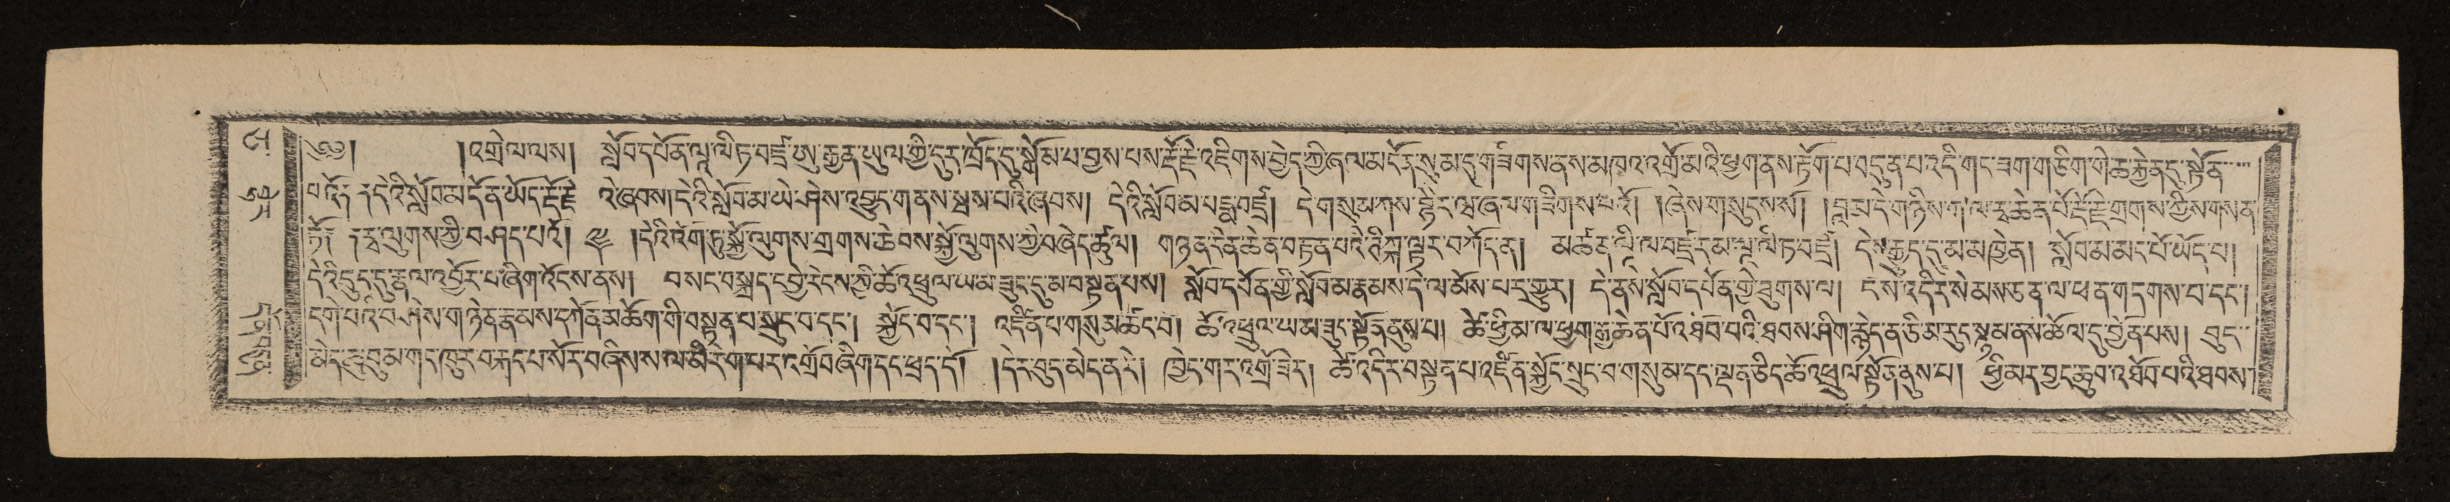༄༅། །འགྲེལ་ལས། སློབ་དཔོན་ལཱ་ལི་ཏ་བཛྲ་ཨུ་རྒྱན་ཡུལ་གྱི་དུར་ཁྲོད་དུ་སྒོམ་པ་བྱས་པས་རྡོ་རྗེ་འཇིགས་བྱེད་ཀྱི་ཞལ་མངོན་སུམ་དུ་གཟིགས་ནས་མཁའ་འགྲོ་མའི་ཕྱག་ནས་རྟོག་པ་བདུན་པ་འདི་གང་ཟག་གཅིག་གི་ཆ་རྐྱེན་དུ་སྟོན་
པའོ༑ ༑དེའི་སློབ་མ་དོན་ཡོད་རྡོ་རྗེའི་ཞབས། དེའི་སློབ་མ་ཡེ་ཤེས་འབྱུང་གནས་སྦས་བའི་ཞབས། དེའི་སློབ་མ་པདམ་བཛྲ། དེ་གསུམ་ཀས་བྷཻ་ར་ཝ་ཞལ་གཟིགས་པའོ། །ཞེས་གསུངས་སོ། །བླ་མ་དེ་གཉིས་ཀ་ལ་རྭ་ཆེན་པོ་རྡོ་རྗེ་གྲགས་ཀྱིས་གསན་
ཏོ༑ ༑རྭ་ལུགས་ཀྱི་བཤད་པའོ། ༈ །དེའི་འོག་ཏུ་སྐྱོ་ལུགས་གྲགས་ཆེ་བས་སྐྱོ་ལུགས་ཀྱི་བཞེད་ཚུལ། གཉན་རིན་ཆེན་བརྟན་པའི་ཊིཀྐ་ལྟར་བཀོད་ན། མཚན་ལཱི་ལ་བཛྲ་ར་མ་ལཱ་ལིཏ་བཛྲ། དེས་རྒྱུད་དུ་མ་མཁྱེན། སློབ་མ་མང་པོ་ཡོད་པ།
དེའི་དྲུང་དུ་རྣལ་འབྱོར་པ་ཞིག་འོངས་ནས། བསང་བསྐྲད་དབྱེ་རེངས་ཀྱི་ཆོ་འཕྲུལ་ཡམ་ཟུང་དུ་མ་བསྟན་པས། སློབ་དཔོན་གྱི་སློབ་མ་རྣམས་དེ་ལ་མོས་པར་གྱུར། དེ་ནས་སློབ་དཔོན་གྱི་ཐུགས་ལ། ངས་འདིར་སེམས་ཅན་ལ་ཕན་གདགས་པ་དང་།
དགེ་བའི་བཤེས་གཉེན་རྣམས་དཀོན་མཆོག་གི་བསྟན་པ་སྲུང་བ་དང་། སྐྱོང་བ་དང་། འཛིན་པ་གསུམ་ཚང་བ། ཆོ་འཕྲུལ་ཡམ་ཟུང་སྟོན་ནུས་པ། ཚེ་ཕྱི་མ་ལ་ཕྱག་རྒྱ་ཆེན་པོ་འཐོབ་པའི་ཐབས་ཤིག་རྙེད་ན་ཅི་མ་རུང་སྙམ་ནས་ཚོལ་དུ་བྱོན་པས། བུད་
མེད་ཆུ་བུམ་གང་ཁུར་བ་རྐང་པ་སོར་བོ་ཞེས་ས་ལ་མི་རེག་པར་འགྲོ་བ་ཞིག་དང་ཕྲད་དོ། །དེར་བུད་མེད་ན་རེ། ཁྱེད་གར་འགྲོ་ཟེར། ཚེ་འདིར་བསྟན་པ་འཛིན་སྐྱོང་སྲུང་བ་གསུམ་དང་ལྡན་ཅིང་ཆོ་འཕྲུལ་སྟོན་ནུས་པ། ཕྱི་མར་བྱང་ཆུབ་འཐོབ་པའི་ཐབས་